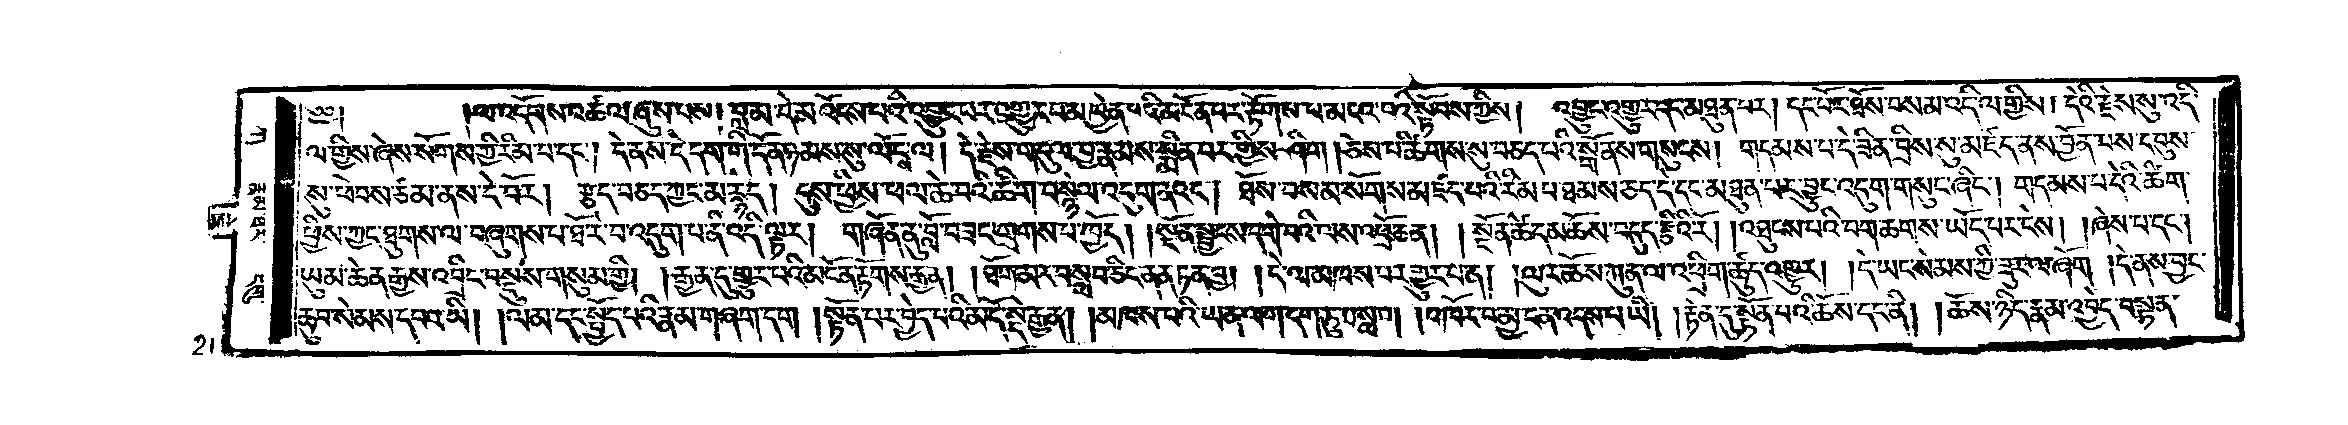༄༅། །ལ་འདོགས་འཚལ་ཞུས་པས། བླ་མ་དེ་མ་འོངས་པའི་འབྱུང་བར་འགྱུར་བ་མཁྱེན་པའི་མངོན་པར་རྟོགས་པ་མངའ་བའི་སྟོབས་ཀྱིས། འབྱུང་འགྱུར་དང་མཐུན་པར། དང་པོར་ཐོས་བསམ་འདི་ལ་གྱིས། དེའི་རྗེས་སུ་འདི་
ལ་གྱིས་ཞེས་སོགས་ཀྱི་རིམ་པ་དང་། དེ་ནས་དེ་དག་གི་དོན་ཉམས་སུ་ལོངས་ལ། དེ་རྗེས་གདུལ་བྱ་རྣམས་སྨིན་པར་གྱིས་ཤིག །ཅེས་པ་ཚིགས་སུ་བཅད་པའི་སྒོ་ནས་གསུངས། གདམས་པ་དེ་ཟིན་བྲིས་སུ་མཛད་ནས་བྱོན་པས་དབུས་
སུ་ཕེབས་ཙམ་ནས་དེ་བོར། རྩད་བཅད་ཀྱང་མ་རྙེད། དུས་ཕྱིས་ཕལ་ཆེ་བའི་ཚིག་བསྙེལ་འདུག་ནའང་། ཐོས་བསམ་སོགས་མཛད་པའི་རིམ་པ་ཐམས་ཅད་དེ་དང་མཐུན་པར་བྱུང་འདུག་གསུང་ཞིང་། གདམས་པ་དེའི་ཚིག་
ཕྱིས་ཀྱང་ཐུགས་ལ་བཞུགས་པ་ཐོ་རེ་བ་འདུག་པ་ནི་འདི་ལྟར། གཞོན་ནུ་བློ་བཟང་གྲགས་པ་ཁྱོད། །སྔོན་སྦྱངས་དགེ་བའི་ལས་འཕྲོ་ཅན། །སྔོན་ཚེ་དམ་ཆོས་བདུད་རྩིའི་རོ། །འཐུངས་པའི་བག་ཆགས་ཡོད་པར་ངེས། །ཞེས་པ་དང་།
ཡུམ་ཆེན་རྒྱས་འབྲིང་བསྡུས་གསུམ་གྱི། །རྒྱན་དུ་གྱུར་པའི་མངོན་རྟོགས་རྒྱན། །ཐོག་མར་བསླབ་ཅིང་ནན་ཏན་བྱ། །དེ་ལ་མཁས་པར་གྱུར་པ་ན། །ལུང་ཆོས་ཀུན་ལ་འཕྲིག་ཚུད་འགྱུར། །ད་ཡང་སེམས་ཀྱི་ཟུར་ལ་ཞོག །དེ་ནས་བྱང་
ཆུབ་སེམས་དཔའ་ཡི། །ལམ་དང་སྤྱོད་པའི་རྣམ་གཞག་དག །སྟོན་པར་བྱེད་པའི་མདོ་སྡེ་རྒྱན། །མཁས་པའི་ཡན་ལག་དག་ཏུ་བསླབ། །འཁོར་བ་མྱ་ངན་འདས་པ་ཡི། །རྟེན་དུ་སྟོན་པའི་ཆོས་དང་ནི། །ཆོས་ཉིད་རྣམ་འབྱེད་བསྟན་